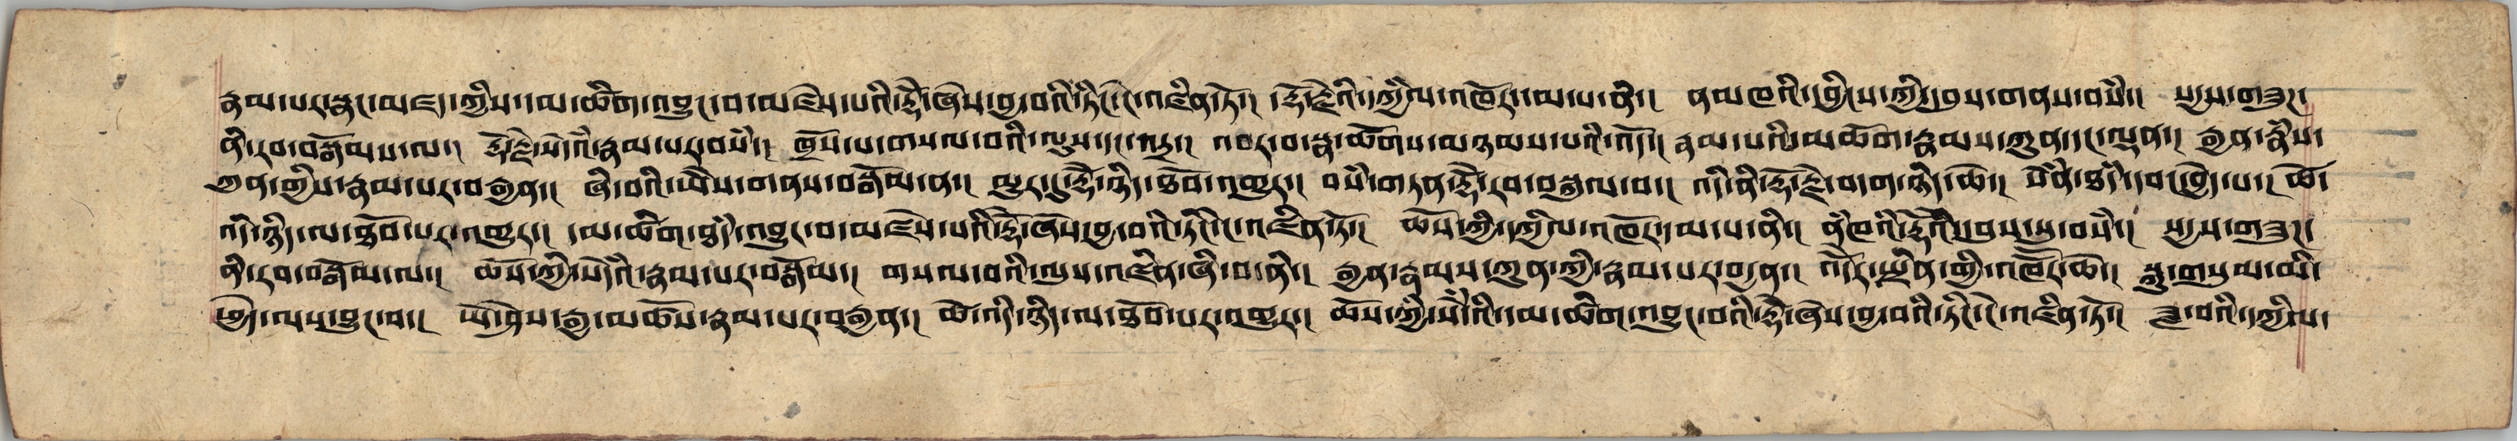རྣམ་པར་སྣང་མཛདཀྱིས་དམ་ཚིག་འབྱུང་བ་མཛེས་པའི་རྡོེ་་ཞེསབྱ་བའི་ཏིང་ངེ་འཛིན་ཏོ་། ་རྡོ་རྗེའི་དཀྱིལ་འཁོར་དམ་པ་ནི་། ནམཁའི་དབྱིངས་ཀྱི་དབུས་གནས་བསཾ་། སདྱས་གཟུཌ་
ནི་རབ་བསྒོམས་ལ་། རྡོ་རྗེ་སེདཾའ་རྣམ་པར་བསཾ་། ཁྲོས་པ་གསལ་བའི་ལུས་དང་འདྲ་། འབར་བ་སྣ་ཚོགས་མཉམས་པའི་འོད་། རྣམ་པའི་མཆོག་རྣམས་ཀུན་དང་ལྡན་། རྒྱན་རྣཾས་
ཀུན་གྱིས་རྣམ་པར་བརྒྱན་། ཞི་བའི་ཡཻས་གནས་བསྒོམ་ན་། མྱུར་དུ་རྡོེ་ཉིད་ཐོབ་འགྱུར་། བསཾ་གཏན་རྡོེ་རབ་བསྐུལ་བ་། འདི་ནི་རྡོ་རྗེ་བདག་ཉིད་ཆེ་། སེཾན་ཐཾད་དབང་བྱེད་པ་། ཚེ་
འདི་ཉིད་ལ་ཐོབ་པར་འགྱུར་། དམ་ཚིག་ཐཾད་འབྱུང་བ་མཛེས་པའི་རྡོེ་ཞེས་བྱ་བའི་ཏིང་ངེ་འཛིན་ཏོ་། ཆོས་ཀྱི་དཀྱིལ་འཁོར་དམ་པ་ནི་། ནཾཁའི་རྡོེའི་དབུས་སུ་བསཾ་། སདྱས་གཟུཌ་
ནི་རབ་བསྒོམ་ལ་། ཆོས་ཀྱི་སེདཾའ་རྣམ་པར་བསྒོམ་། གསལ་བའི་ལུས་འཛིན་ཞི་བ་ནི་། རྒྱན་རྣམས་ཀུན་ཀྱི་རྣམ་པར་བདྱན་། འོདེར་སྤྲིན་གྱི་འཁོརོ་ཆེ་། སྐུ་གསུམ་མི་
ཕྱེད་ལས་བྱུང་བ་། ཡེ་ཤེས་རྒྱ་མཚོས་རྣམ་པར་བརྒྱན་། ཚེ་འདི་ཉིད་ལ་ཐོབ་པར་འགྱུར་། ཆོས་ཀྱི་སེདཾའི་དམ་ཚིག་འབྱུང་བའི་རྡོེ་ཞེས་བྱ་བའི་ཏིང་ངེ་འཛིན་ཏོ་། ཟླ་བའི་དཀྱིལ་